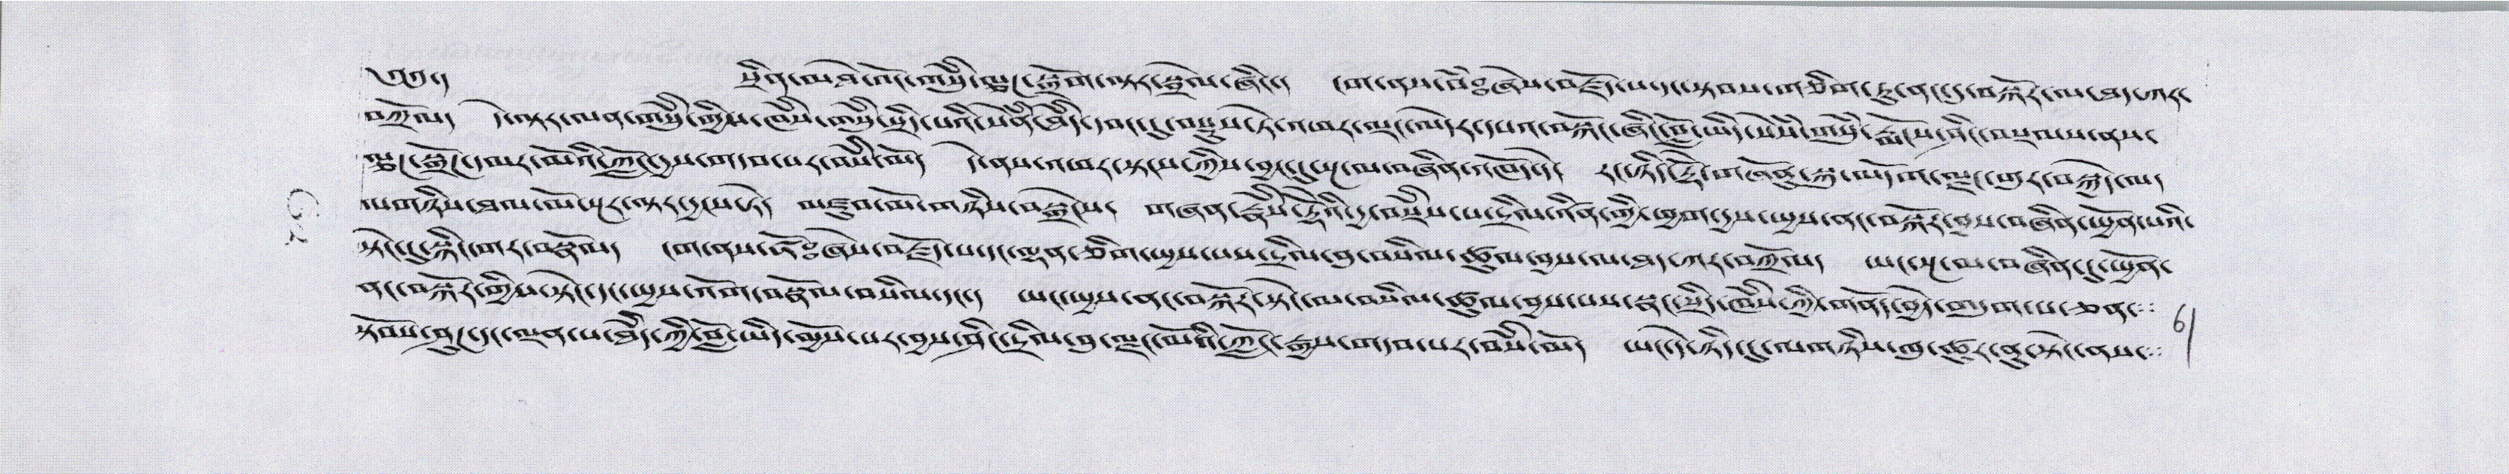སྲིན་མཐེ་བོང་གསུམ་ལྕགས་སྒྲོག་ལྟར་སྦྲེལ་ཞིང་། ངག་ནས་བཾཿཞེས་བརྗོད་པ་དང་སྟབས་གཅིག་ཏུ་ནང་དུ་བསྐོར་ལ་ཐད་ཀར་
བཀྲོལ། དེ་ལྟར་ལན་གསུམ་གྱིས་ཁམས་གསུམ་སྲིད་པའི་སེམས་ཅན་ཐམས་ཅད་དབང་དུ་བསྡུས་ཏེ། འཕར་སྡང་མེད་པར་དཔའ་སྐོང་ཞིང་བློ་ཡིད་སེམས་གསུམ་རྨོངས་ཤིང་བསྡམས་ནས་
ལྕགས་སྒྲོག་དམར་མོའི་ཀློང་རྒྱས་གདབ་པར་བསམ་མོ། དེ་ནས་འཕར་སྟངས་ཀྱིས་བྱང་དུ་སྔ་མ་བཞིན་འཁོད་དེ། རང་ཉིད་རྡོ་རྗེ་གཞོན་ནུ་སྐུ་མདོག་ལྗང་ཁུར་བསྐྱེད་ལ།
ལག་གཉིས་ཐལ་མོ་སྔར་ལྟར་དྲངས་ཏེ། མཛུབ་མོ་གཉིས་བསྒྲེངས། གཞན་རྣམས་རྡོ་རྗེའི་རྒྱ་བསྡམས་པ་དྲིལ་འཛིན་གྱི་ཕྱག་རྒྱས་གཡས་ནང་བསྐོར་བྱས་བཞིན་གཡོན་པའི་
སྟེང་དུ་སྙིང་གར་བསྣོལ། ངག་མས་ཧོཿཞེས་བརྗོད་པ་དང་ལྷན་ཅིག་གཡས་པས་དྲིལ་བུ་བསིལ་ཚུལ་བྱས་ལ་ཐད་ཀར་བཀྲོལ། ཡང་སྔ་མ་བཞིན་དུ་གཡོན་
ནང་བསྐོར་གྱིས་སྟེང་དང་གཡས་འོག་བསྣོལ་བསིལ་དང་། ཡང་གཡས་ནང་བསྐོར་སྟེང་ལ་བསིལ་ཚུལ་བྱས་པས་སྣང་སྲིད་ཁམས་ཀྱི་གནོད་བྱེད་གདུག་པ་ཅན་
སྟོབས་ཤུགས་དང་ལྡན་པ་ཐམས་ཅད་ཀྱི་བློ་ཡིད་མྱོས་པར་བྱས་ཤིང་དྲིལ་བུ་ལྗང་མོའི་ཀློང་རྒྱས་གདབ་པར་བསམ་མོ། ཡང་དེ་ཉིད་དུ་ལག་གཉིས་ཁུ་ཚུར་ནུ་སྟེང་ནས་